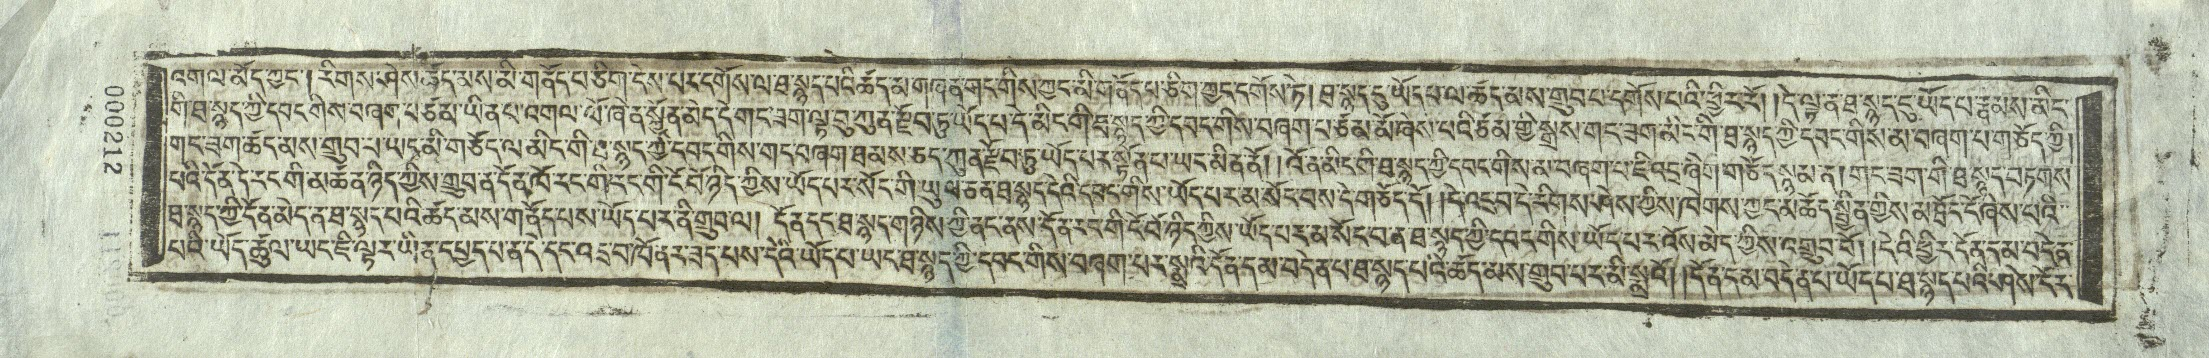འགལ་མེད་ཀྱང་། རིགས་ཤས་ཚད་མས་མི་གནོད་པ་ཅིག་ངེས་པར་དགོས་ལ་ཐ་སྙད་པའི་ཚད་མ་གཞན་གང་གིས་ཀྱང་མི་གནོད་པ་ཅིག་ཀྱང་དགོས་ཏེ། ཐ་སྙད་དུ་ཡོད་པ་ལ་ཚད་མས་གྲུབ་པ་དགོས་པའི་ཕྱིར་རོ། །དེ་ལྟ་ན་ཐ་སྙད་དུ་ཡོད་པ་རྣམས་མིང་
གི་ཐ་སྙད་ཀྱི་དབང་གིས་བཞག་པ་ཙམ་ཡིན་པ་འགལ་ལོ་ཞེ་ན་སྐྱོན་མེད་དེ་གང་ཟག་ལྟ་བུ་ཀུན་རྫོབ་ཏུ་ཡོད་པ་དེ་མིང་གི་ཐ་སྙད་ཀྱི་དབང་གིས་བཞག་པ་ཙམ་མོ་ཞེས་པའི་ཙམ་གྱི་སྒྲས་གང་ཟག་མིང་གི་ཐ་སྙད་ཀྱི་དབང་གིས་མ་བཞག་པ་གཅོད་ཀྱི།
གང་ཟག་ཚད་མས་གྲུབ་པ་ཡང་མི་གཅོད་ལ་མིང་གི་ཐ་སྙད་ཀྱི་དབང་གིས་གང་བཞག་ཐམས་ཅད་ཀུན་རྫོབ་ཏུ་ཡོད་པར་སྟོན་པ་ཡང་མིན་ནོ། །འོ་ན་མིང་གི་ཐ་སྙད་ཀྱི་དབང་གིས་མ་བཞག་པ་ཇི་འདྲ་ཞིག་གཅོད་སྙམ་ན། གང་ཟག་གི་ཐ་སྙད་བཏགས་
པའི་དོན་དེ་རང་གི་མཚན་ཉིད་ཀྱིས་གྲུབ་ན་དོན་ཁོ་རང་གི་རང་གི་ངོ་བོ་ཉིད་ཀྱིས་ཡོད་པར་སོང་གི་ཡུལ་ཅན་ཐ་སྙད་དེའི་དབང་གིས་ཡོད་པར་མ་སོང་བས་དེ་གཅོད་དེ། །དེ་འདྲ་བ་དེ་རིགས་ཤེས་ཀྱིས་ཁེགས་ཀྱང་མཆོད་སྦྱིན་གྱིས་མཐོང་ངོ་ཞེས་པའི་
ཐ་སྙད་ཀྱི་དོན་མེད་ན་ཐ་སྙད་པའི་ཚད་མས་གནོད་པས་ཡོད་པར་ནི་གྲུབ་ལ། དོན་དང་ཐ་སྙད་གཉིས་ཀྱི་ནང་ནས་དོན་རང་གི་ངོ་བོ་ཉིད་ཀྱིས་ཡོད་པར་མ་སོང་བ་ན་ཐ་སྙད་ཀྱི་དབང་གིས་ཡོད་པར་འོས་མེད་ཀྱིས་འགྲུབ་བོ། །དེའི་ཕྱིར་དོན་དམ་བདེན་
པའི་ཡོད་ཚུལ་ཡང་ཇི་ལྟར་ཡིན་དཔྱད་པ་ན་དེ་དང་འདྲ་བ་ཁོ་ནར་ཟད་པས་དེའི་ཡོད་པ་ཡང་ཐ་སྙད་ཀྱི་དབང་གིས་བཞག་པར་སྨྲའི་དོན་དམ་བདེན་པ་ཐ་སྙད་པའི་ཚད་མས་གྲུབ་པར་མི་སྨྲའོ། །དོན་དམ་བདེན་པ་ཡོད་པ་ཐ་སྙད་པའི་ཤེས་ངོར་